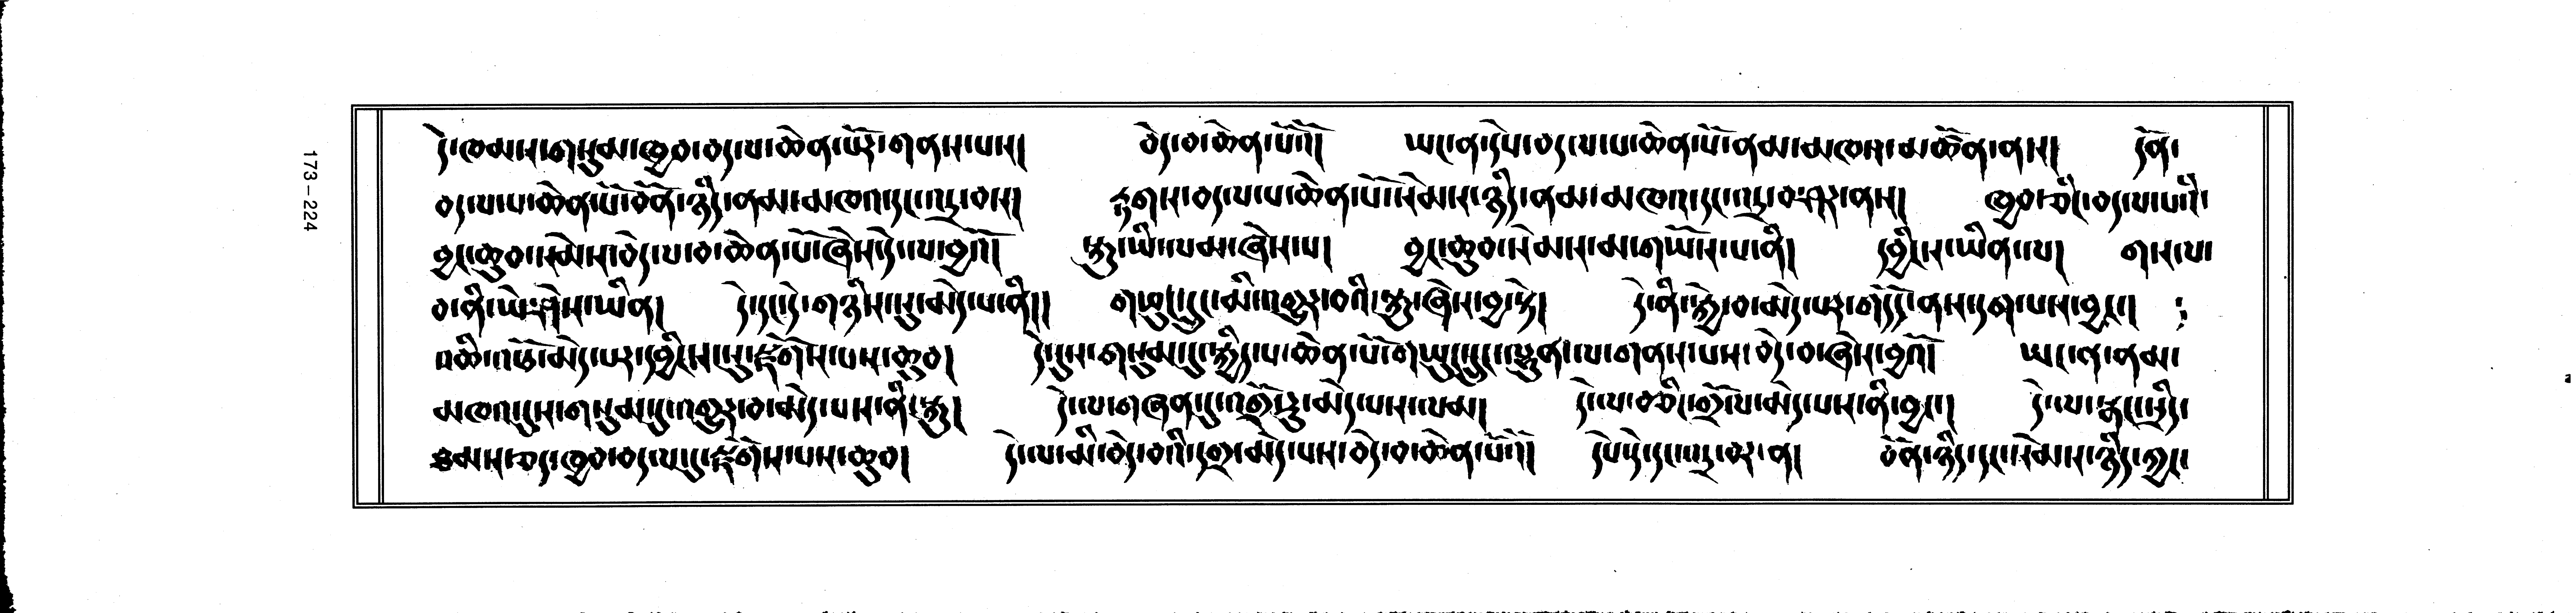དེ་ཁམས་གསུམ་ཁྱབ་བདལ་ཆེན་པོར་གནས་པས། བདེ་བ་ཆེན་པོའོ། །ཡང་ན་དཔེ་བདལ་པ་ཆེན་པོ་ནམ་མཁས་མཚོན་ནས། དོན་
བདལ་པ་ཆེན་པོ་བོན་ཉིད་ནམ་མཁའ་དང་འདྲ་བས། རྟགས་བདལ་པ་ཆེན་པོ་སེམས་ཉིད་ནམ་མཁའ་དང་འདྲ་བ་ཤར་ནས། ཁྱབ་ཅིང་བདལ་པའི་
བྱང་ཆུབ་སེམས་བདལ་པ་ཆེན་པོ་ཞེས་དེ་ལ་བྱའོ། །སྐུ་ཡི་ལམ་ཞེས་པ། བྱང་ཆུབ་སེམས་མ་གཡོས་པ་ནི། དབྱིངས་ཡིན་ལ། གསལ་
བ་ནི་ཡེ་ཤེས་ཡིན། དེ་དང་དེ་གཉིས་སུ་མེད་པ་ནི། གཡུང་དྲུང་མི་འགྱུར་བའི་སྐུ་ཞེས་བྱ་སྟེ། དེ་ནི་སྐྱེ་བ་མེད་པ་གདོད་ནས་དག་པས་བྱང་། 
འཆི་འཕོ་མེད་པར་དབྱིངས་སུ་རྫོགས་པས་ཆུབ། དེ་དུས་གསུམ་དུ་སྐྱིད་པ་ཆེན་པོ་གཡུང་དྲུང་ལྷུན་ལ་གནས་པས་བདེ་བ་ཞེས་བྱའོ། །ཡང་ན་ནམ་
མཁའ་དུས་གསུམ་དུ་འགྱུར་བ་མེད་པས་ན་སྐུ། དེ་ལ་གཞན་དུ་འགྲོ་རུ་མེད་པས་ལམ། དེ་ལ་བཅིང་གྲོལ་མེད་པས་ནི་བྱང་། དེ་ལ་སྣང་སྲིད་
ཐམས་ཅད་ཁྱབ་བདལ་དུ་རྫོགས་པས་ཆུབ། དེ་ལ་མི་བདེ་བའི་དགྲ་མེད་པས་བདེ་བ་ཆེན་པོའོ། །དཔེ་དེ་དང་འདྲ་བར་ན། བོན་ཉིད་དང་སེམས་ཉིད་ཀྱང་